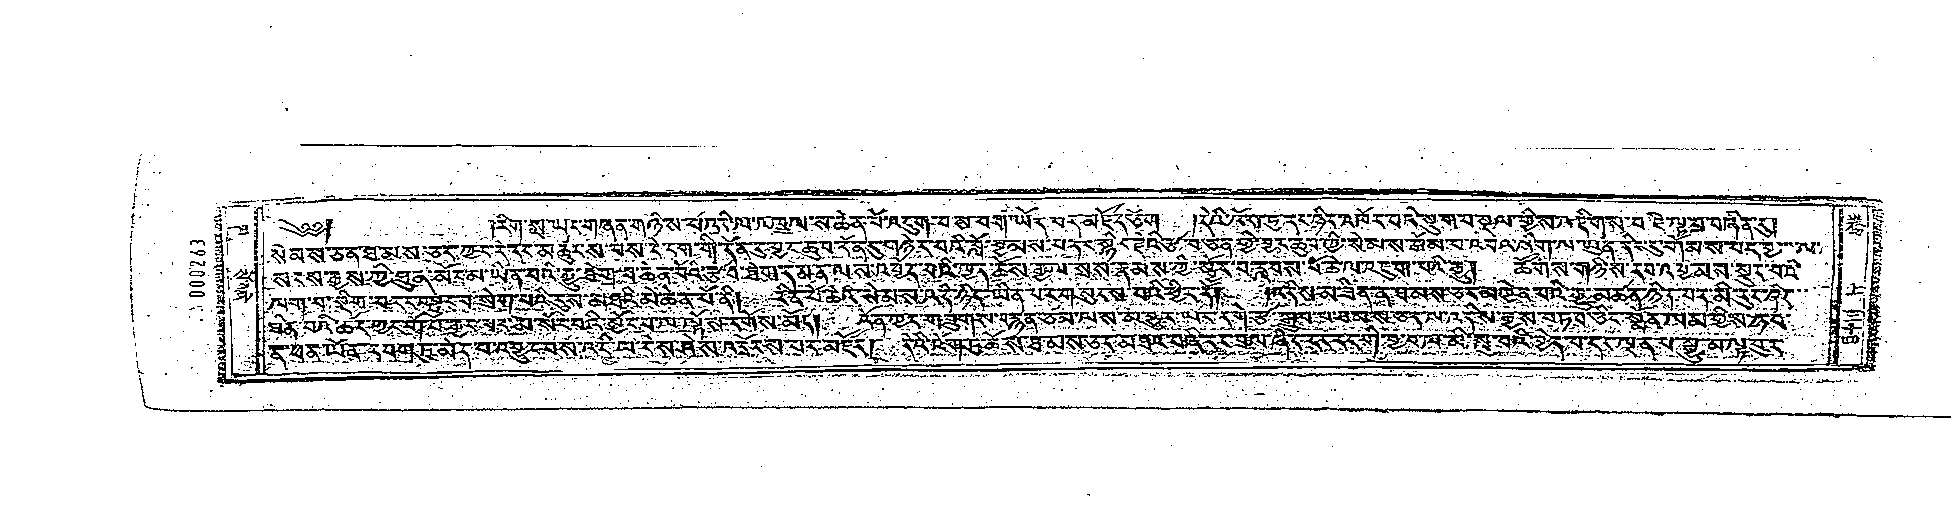༄༅། །རིག་སླ་ཡང་གཞན་གཉིས་པ་འདི་ལ་འཁྲུལ་ས་ཆེན་པོ་འདུག་བས་བག་ཡོད་བར་མཛོད་ཅིག །དེའི་འོག་ཏུ་རང་ཉིད་འཁོར་བའི་སྡུག་བསྔལ་གྱིས་འཇིགས་བ་ཇི་ལྟ་བ་བཞིན་དུ།
སེམས་ཅན་ཐམས་ཅད་ཀྱང་དེ་དང་མཚུངས་པས་དེ་དག་གི་དོན་དུ་བྱང་ཆུབ་དོན་དུ་གཉེར་བའི་བློ་བྱམས་པ་དང་སྙིང་རྗེའི་རྩ་བ་ཅན་གྱི་བྱང་ཆུབ་ཀྱི་སེམས་སྒོས་པ་འབའ་ཞིག་ལ་ཡུན་རིང་དུ་གོམས་པད་བྱ་ལ་
སངས་རྒྱས་ཀྱི་ཐུན་མོང་མ་ཡིན་པའི་རྒྱུ་ཐེག་པ་ཆེན་པོའི་རྩ་བ་ཐེག་དམན་ལས་འབྱེད་བའི་ཁྱད་ཆོས་རྒྱལ་སྲས་རྣམས་ཀྱི་སྤྱོད་བརླབས་པོ་ཆེ་ལ་འཇུག་པའི་རྒྱུ། ཚོགས་གཉིས་རབ་འབྱམས་སྡུད་པའི་
ལག་པ་སྡིག་པ་དང་སྤང་བ་སྲེག་པའི་དུས་མཐའི་མེ་ཆེན་པོ་ནི། རིན་པོ་ཆེའི་སེམས་འདི་ཉིད་ཡིན་པར་གསུངས་པའི་ཕྱིར་རོ། །འདིས་མ་ཟིན་ན་ཐམས་ཅད་མཁྱེན་པའི་རྒྱུ་མཚན་ཉིད་པར་མི་རུང་ཞིང་
ཐིན་པའི་ཚང་ཀྱང་གོ་བ་རྒྱང་པར་མ་སོང་བའི་མྱོང་བ་ལ་ལྟོས་དགོས་མོད། འོན་ཀྱང་གཟུགས་བརྙན་ཙམ་ལས་མ་བྱུང་ཡང་དགེ་རྩ་སྒྲུབ་པ་ཐམས་ཅད་ལ་འདིས་རྒྱས་བཏབ་ཅིང་སྨོན་ལམ་གྱིས་ཉ་བ་
ན་ཕན་ཡོན་དཔག་ཏུ་མེད་པ་འབྱུང་བས་འདི་ལ་ངེས་ཤེས་འདྲོངས་པར་མཛོད། དེའི་འོག་ཏུ་ཆོས་ཐམས་ཅད་མཐའ་བཞི་དང་བྲལ་ཞིང་དང་རང་གི་བྱ་བ་ལ་མི་སླུ་བའི་བྱེད་པ་དང་ལྡན་པ་སྒྱུ་མ་ལྟ་བུར་